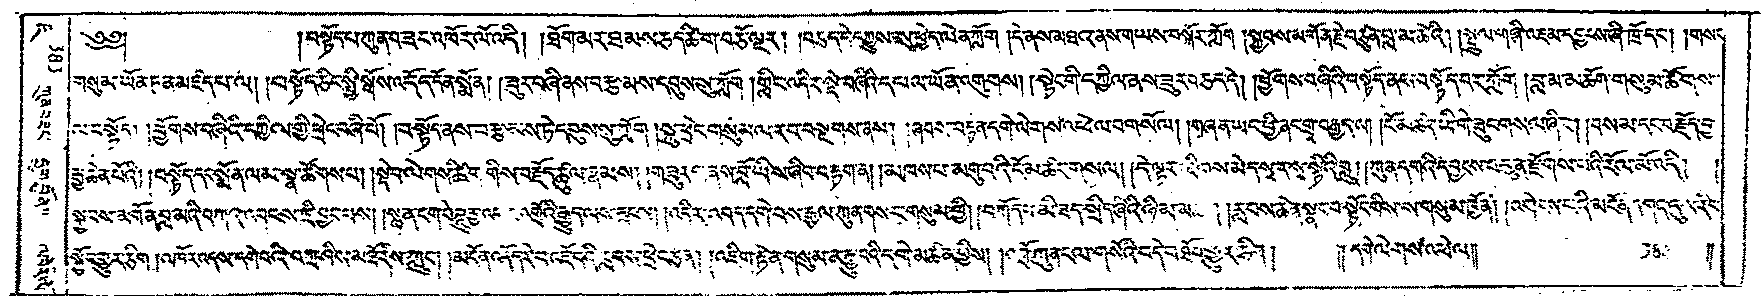༄༅། །བསྟོད་པ་ཀུན་བཟང་འཁོར་ལོ་འདི། །ཐོག་མར་ཐམས་ཅད་ཚིག་བཅོ་ལྔར། །བཅད་དེ་དཀྱུས་སུ་ཕྱེད་ལེན་ཀློག །དེ་ནས་མཐའ་ནས་གཡས་བསྐོར་ཀློག །སྐྱབས་མགོན་རྗེ་བཙུན་བླ་མ་ཆེའི། །སྤྲུལ་གཞི་འཇམ་དབྱངས་ཞི་ཁྲོ་དང་། །གསང་
གསུམ་ཡོན་ཏན་མཛད་པ་ལ། །བསྟོད་ཅིང་སྤྱི་སྒོས་འདོད་དོན་སྨོན། །ཟུར་བཞི་ནས་བརྩམས་དབུས་སུ་ཀློག །གླིང་འདིར་སྡེ་བཞིའི་དཔལ་ཡོན་འགུགས། །སྟེང་གི་དཀྱིལ་ནས་ཟུར་བཅད་དེ། །ཕྱོགས་བཞིའི་བསྟོད་ནས་བསྟོད་བར་ཀློག །བླ་མ་མཆོག་གསུམ་ཚོགས་
ལ་བསྟོད། །ཕྱོགས་བཞིའི་དཀྱིལ་གྱི་ཕྲེང་བཞི་པོ། །བསྟོད་ནས་བརྩམས་ཏེ་དབུས་སུ་ཀློག །སྐུ་ཕྲེང་གསུམ་ལ་རབ་བསྔགས་ནས། །ཞབས་བརྟན་དགེ་ལེགས་འཕེལ་བ་གསོལ། །གཞན་ཡང་ཕྱི་ནང་གྲྭ་བརྒྱད་ལ། །ངོ་མཚར་ཡི་གེ་ཟུང་གསལ་ཞིང་། བསམ་དང་བརྗོད་བྱ་
རྒྱ་ཆེན་པོའི། །བསྟོད་དང་སྨོན་ལམ་སྣ་ཚོགས་པ། །སྡེབ་ལེགས་ཚིག་གིས་བརྗོད་ཚུལ་རྣམས། །གཟུར་གནས་བློ་ཡིས་ཞིབ་བརྟག་ན། །མཁས་པ་མགུ་བའི་ངོ་མཚར་གསལ། །དེ་ལྟར་འཇིགས་མེད་སྭ་ར་སྭ་སྟིའི་གླུ། །ཀུན་དགའི་དབྱངས་བདུན་རྫོགས་པའི་རོལ་མོ་འདི། །
སྐྱབས་མགོན་བླ་མའི་བཀའ་འབངས་ཁྲི་བྱང་པས། །སྙན་ངག་བེཌཱུརྱ་འཕང་འགྲོའི་རྒྱུད་ལས་དྲངས། །འདིར་འབད་དགེ་བས་རྒྱལ་ཀུན་གསང་གསུམ་གྱི། །བཀོད་པ་མི་ཟད་སྲིད་ཞིའི་ཉི་མ་མཆོག །རླབས་ཆེན་སྣང་བ་སྟོང་གིས་ས་གསུམ་ཁྱོན། །འགེངས་པའི་མངོན་དགའ་དུས་རིང་
སྐྱོང་གྱུར་ཅིག །འཁོར་འདས་དགེ་བའི་བཀྲ་ཤིས་མཐོ་རིས་ཀླུང་། །མངོན་འདོད་རེ་བ་འཇོ་བའི་རླབས་ཕྲེང་ཅན། །འཇིག་རྟེན་གསུམ་ན་རྒྱུ་བའི་དགེ་མཚན་གྱིས། །འགྲོ་ཀུན་ངལ་གསོའི་བདེ་བ་ཐོབ་གྱུར་ཅིག ། །།དགེ་ལེགས་འཕེལ།། ༣༨༤་།།